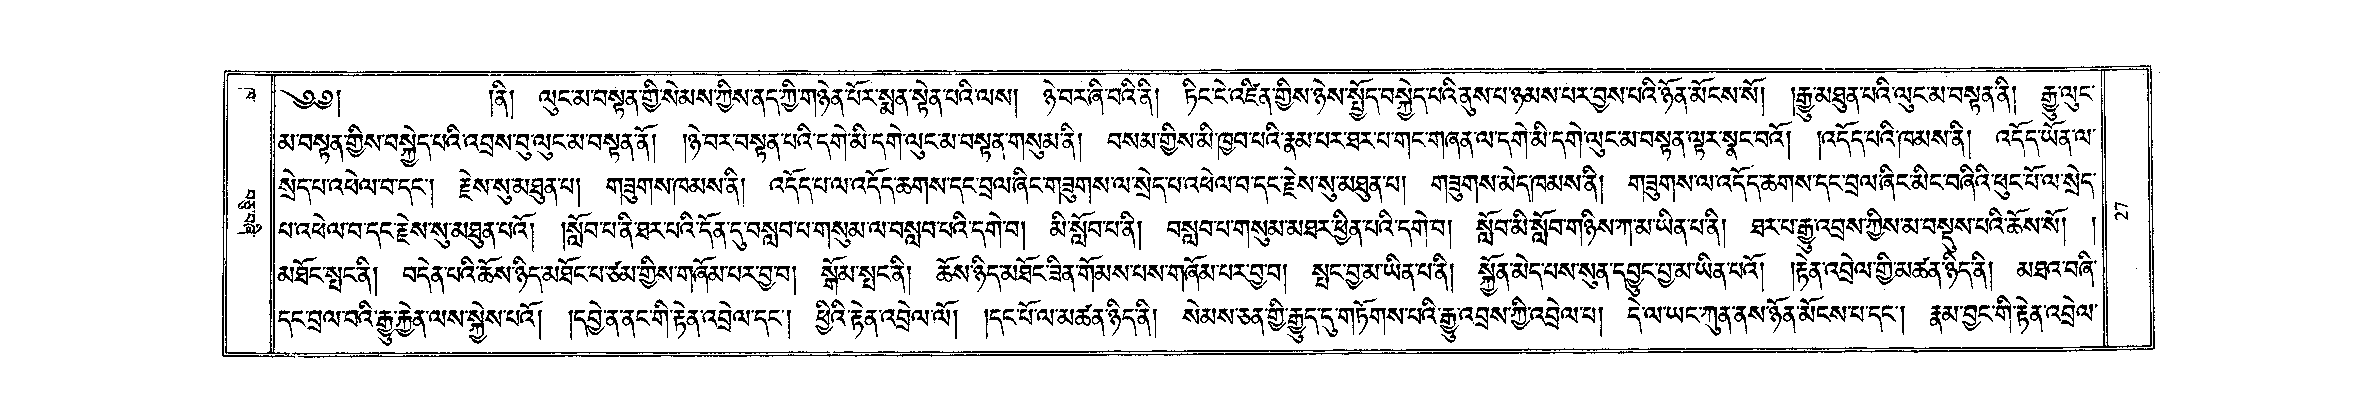༄༅། །ནི། ལུང་མ་བསྟན་གྱི་སེམས་ཀྱིས་ནད་ཀྱི་གཉེན་པོར་སྨན་སྟེན་པའི་ལས། ཉེ་བར་ཞི་བའི་ནི། ཏིང་ངེ་འཛིན་གྱིས་ཉེས་སྤྱོད་བསྐྱེད་པའི་ནུས་པ་ཉམས་པར་བྱས་པའི་ཉོན་མོངས་སོ། །རྒྱུ་མཐུན་པའི་ལུང་མ་བསྟན་ནི། རྒྱུ་ལུང་
མ་བསྟན་གྱིས་བསྐྱེད་པའི་འབྲས་བུ་ལུང་མ་བསྟན་ནོ། །ཉེ་བར་བསྟན་པའི་དགེ་མི་དགེ་ལུང་མ་བསྟན་གསུམ་ནི། བསམ་གྱིས་མི་ཁྱབ་པའི་རྣམ་པར་ཐར་པ་གང་གཞན་ལ་དགེ་མི་དགེ་ལུང་མ་བསྟན་ལྟར་སྣང་བའོ། །འདོད་པའི་ཁམས་ནི། འདོད་ཡོན་ལ་
སྲེད་པ་འཕེལ་བ་དང་། རྗེས་སུ་མཐུན་པ། གཟུགས་ཁམས་ནི། འདོད་པ་ལ་འདོད་ཆགས་དང་བྲལ་ཞིང་གཟུགས་ལ་སྲེད་པ་འཕེལ་བ་དང་རྗེས་སུ་མཐུན་པ། གཟུགས་མེད་ཁམས་ནི། གཟུགས་ལ་འདོད་ཆགས་དང་བྲལ་ཞིང་མིང་བཞིའི་ཕུང་པོ་ལ་སྲེད་
པ་འཕེལ་བ་དང་རྗེས་སུ་མཐུན་པའོ། །སློབ་པ་ནི་ཐར་པའི་དོན་དུ་བསླབ་པ་གསུམ་ལ་བསླབ་པའི་དགེ་བ། མི་སློབ་པ་ནི། བསླབ་པ་གསུམ་མཐར་ཕྱིན་པའི་དགེ་བ། སློབ་མི་སློབ་གཉིས་ཀ་མ་ཡིན་པ་ནི། ཐར་པ་རྒྱུ་འབྲས་ཀྱིས་མ་བསྡུས་པའི་ཆོས་སོ། །
མཐོང་སྤང་ནི། བདེན་པའི་ཆོས་ཉིད་མཐོང་པ་ཙམ་གྱིས་གཞོམ་པར་བྱ་བ། སྒོམ་སྤང་ནི། ཆོས་ཉིད་མཐོང་ཟིན་གོམས་པས་གཞོམ་པར་བྱ་བ། སྤང་བྱ་མ་ཡིན་པ་ནི། སྐྱོན་མེད་པས་སུན་དབྱུང་བྱ་མ་ཡིན་པའོ། །རྟེན་འབྲེལ་གྱི་མཚན་ཉིད་ནི། མཐའ་བཞི་
དང་བྲལ་བའི་རྒྱུ་རྐྱེན་ལས་སྐྱེས་པའོ། །དབྱེ་ན་ནང་གི་རྟེན་འབྲེལ་དང་། ཕྱིའི་རྟེན་འབྲེལ་ལོ། །དང་པོ་ལ་མཚན་ཉིད་ནི། སེམས་ཅན་གྱི་རྒྱུད་དུ་གཏོགས་པའི་རྒྱུ་འབྲས་ཀྱི་འབྲེལ་པ། དེ་ལ་ཡང་ཀུན་ནས་ཉོན་མོངས་པ་དང་། རྣམ་བྱང་གི་རྟེན་འབྲེལ་